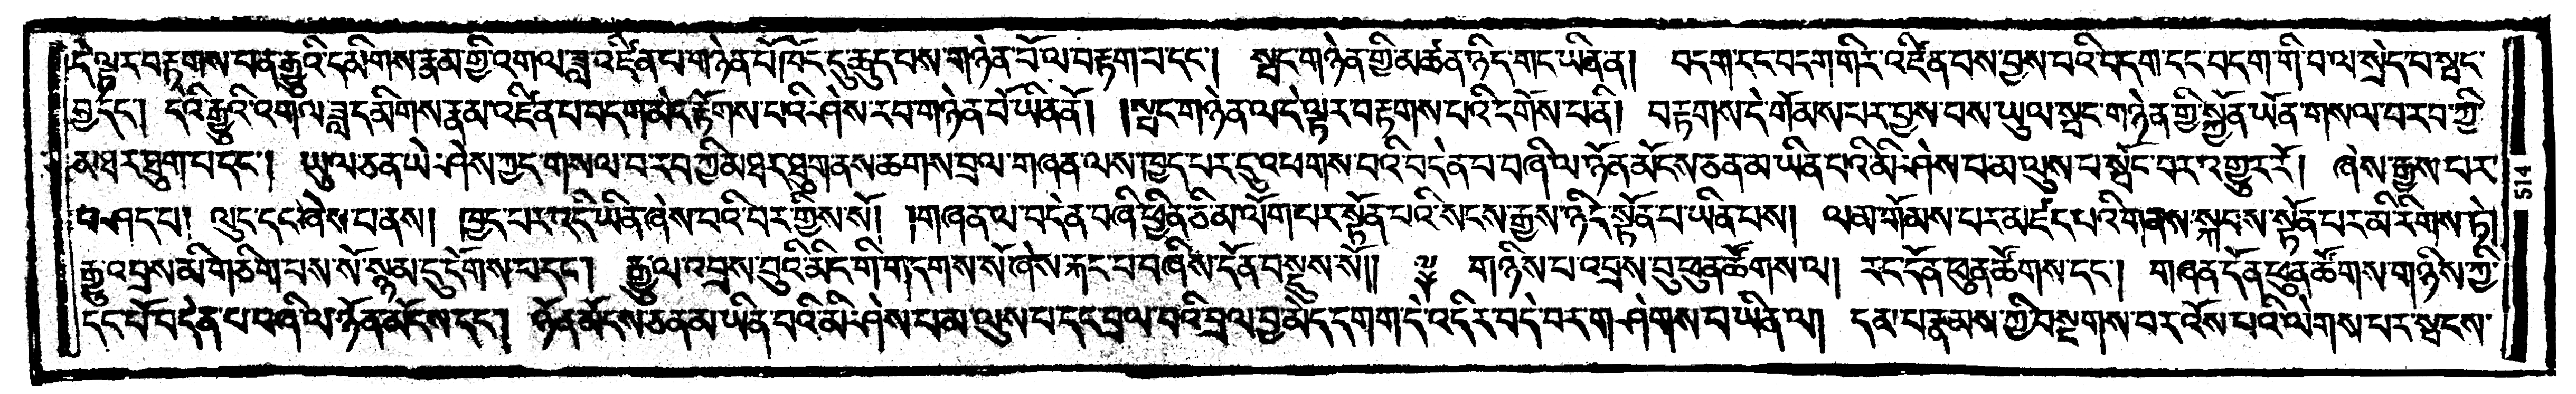དེ་ལྟར་བརྟགས་པ་ན་རྒྱུའི་དམིགས་རྣམ་གྱི་འགལ་ཟླ་འཛིན་པ་གཉེན་པོ་ཁོང་དུ་ཆུད་པས་གཉེན་པོ་ལ་བརྟག་པ་དང་། སྤང་གཉེན་གྱི་མཚན་ཉིད་གང་ཡིན་ན། བདག་དང་བདག་གིར་འཛིན་པས་བྱས་པའི་བདག་དང་བདག་གི་བ་ལ་སྲེད་པ་སྤང་
བྱ་དང་། དེའི་རྒྱུའི་འགལ་ཟླ་དམིགས་རྣམ་འཛིན་པ་བདག་མེད་རྟོགས་པའི་ཤེས་རབ་གཉེན་པོ་ཡིན་ནོ། །སྤང་གཉེན་ལ་དེ་ལྟར་བརྟགས་པའི་དགོས་པ་ནི། བརྟགས་དེ་གོམས་པར་བྱས་པས་ཡུལ་སྤང་གཉེན་གྱི་སྐྱོན་ཡོན་གསལ་བ་རབ་ཀྱི་
མཐར་ཐུག་པ་དང་། ཡུལ་ཅན་ཡེ་ཤེས་ཀྱང་གསལ་བ་རབ་ཀྱི་མཐར་ཐུག་ནས་ཆགས་བྲལ་གཞན་ལས་ཁྱད་པར་དུ་འཕགས་པའི་བདེན་པ་བཞི་ལ་ཉོན་མོངས་ཅན་མ་ཡིན་པའི་མི་ཤེས་པ་མ་ལུས་པ་སྤོང་བར་འགྱུར་རོ། ཞེས་རྒྱས་པར་
བཤད་པ། ལུང་དང་ཞེས་པ་ནས། ཁྱད་པར་འདི་ཡིན་ཞེས་པའི་བར་གྱིས་སོ། །གཞན་ལ་བདེན་བཞི་ཕྱིན་ཅི་མ་ལོག་པར་སྟོན་པའི་སངས་རྒྱས་ཉིད་སྟོན་པ་ཡིན་པས། ལམ་གོམས་པར་མཛད་པའི་གནས་སྐབས་སྟོན་པར་མི་རིགས་ཏེ།
རྒྱུ་འབྲས་མི་གཅིག་པས་སོ་སྙམ་དུ་དོགས་པ་དང་། རྒྱུ་ལ་འབྲས་གྦུའི་མིང་གི་གདགས་སོ་ཞེས་རྐང་པ་བཞིས་དོན་བསྡུས་སོ།། ༈ གཉིས་པ་འབྲས་བུ་ཕུན་ཚོགས་ལ། རང་དོན་ཕུན་ཚོགས་དང་། གཞན་དོན་ཕུན་ཚོགས་གཉིད་ཀྱི་
དང་པོ་བདེན་པ་བཞི་ལ་ཉོན་མོངས་དང་། ཉོན་མོངས་ཅན་མ་ཡིན་པའི་མི་ཤེས་པ་མ་ལུས་པ་དང་བྲལ་བའི་བྲལ་བྱ་མེད་དགག་དེ་འདིར་བདེ་བར་གཤེགས་པ་ཡིན་ལ། དམ་པ་རྣམས་ཀྱི་བསྔགས་བར་འོས་པའི་ལེགས་པར་སྤངས་